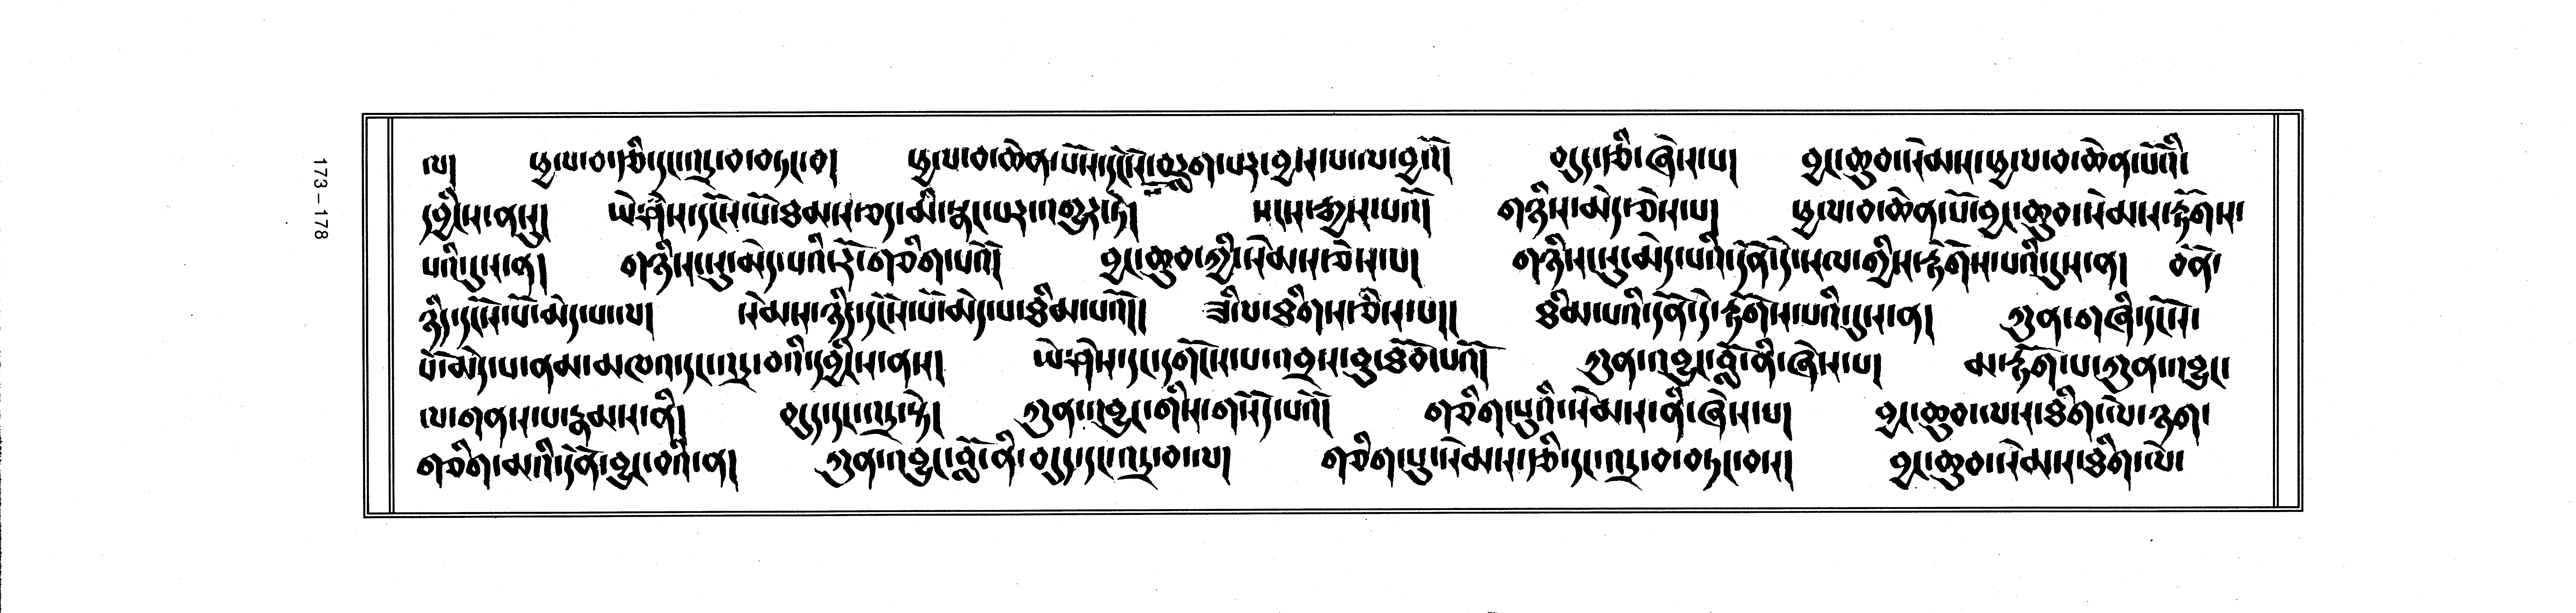ལ། ཕྱལ་བ་རྩི་དང་འདྲ་བ་བཏང་བ་ལ། ཕྱལ་པ་ཆེན་པོས་དངོས་པོ་བརླག་པར་བྱས་པ་ལ་བྱའོ། །བདུད་རྩི་ཞེས་པ་བྱང་ཆུབ་སེམས་ཕྱལ་པ་ཆེན་པོའི་
དབྱིངས་སུ་ཡེ་ཤེས་དངོས་པོ་ཐམས་ཅད་མི་སྣང་བར་གྱུར་ཏེ། སངས་རྒྱས་པའོ། །གཉིས་མེད་ཅེས་པ། ཕྱལ་པ་ཆེན་པོ་བྱང་ཆུབ་སེམས་རྟོགས་
པའི་དུས་ན། གཉིས་སུ་མེད་པར་རོ་གཅིག་པའོ། །བྱང་ཆུབ་སེམས་ཅེས་པ། གཉས་སུ་མེད་པའི་དོན་དེ་སལ་གྱིས་རྟོགས་པའི་དུས་ན། བོན་
ཉིད་དངོས་པོ་མེད་པ་ལ་སེམས་ཉིད་དངོས་པོ་མེད་པ་ཐིམ་པའོ། །ཟིལ་ཐིགས་ཅེས་པ། ཐིམ་པའི་དོན་དེ་རྟོགས་པའི་དུས་ན། ཀུན་གཞི་དངོས་
པོ་མེད་པ་ནམ་མཁའ་དང་འདྲ་བའི་དབྱིངས་ནས། ཡེ་ཤེས་དང་དགོངས་པ་འབྲས་བུ་ཐོབ་པའོ། །ཀུན་འབྱུང་བློ་ནི་ཞེས་པ། མ་རྟོགས་པ་ཀུན་འབྱུང་
ལ་གནས་པ་རྣམས་ནི། བདུད་དང་འདྲ་སྟེ། ཀུན་འབྱུང་གིས་གསོད་པའོ། །གཅིག་པུའི་སེམས་ནི་ཞེས་པ། བྱང་ཆུབ་ལས་ཐིག་ལེ་ཉག་
གཅིག་མའི་དོན་བྱུང་བའི་དུས་ན། ཀུན་འབྱུང་བློ་ནི་བདུད་དང་འདྲ་བ་ལ། གཅིག་པུ་སེམས་རྩི་དང་འདྲ་བ་བཏང་བས། བྱང་ཆུབ་སེམས་ཐིག་ལེ་